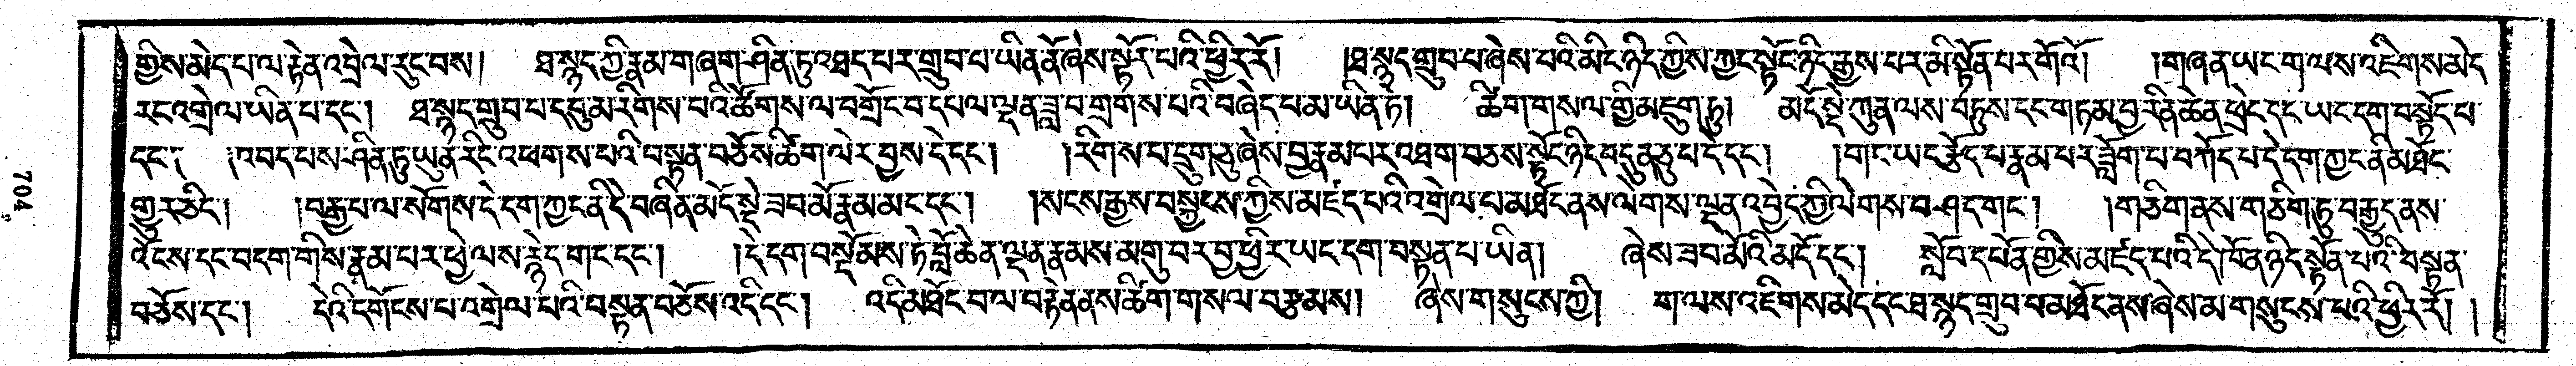གྱིས་མེད་པ་ལ་རྟེན་འབྲེལ་རུང་བས། ཐ་སྙད་ཀྱི་རྣམ་གཞག་ཤིན་ཏུ་འཐད་པར་གྲུབ་པ་ཡིན་ནོ་ཞེས་སྟོན་པའི་ཕྱིར་རོ། །ཐ་སྙད་གྲུབ་པ་ཞེས་པའི་མིང་ཉིད་ཀྱིས་ཀྱང་སྟོང་ཉིད་རྒྱས་པར་མི་སྟོན་པར་གོའོ། །གཞན་ཡང་ག་ལས་འཇིགས་མེད་
རང་འགྲེལ་ཡིན་པ་དང་། ཐ་སྙད་གྲུབ་པ་དབུ་མ་རིགས་པའི་ཚོགས་ལ་བགྲོང་བ་དཔལ་ལྡན་ཟླ་བ་གྲགས་པའི་བཞེད་པ་མ་ཡིན་ཏེ། ཚིག་གསལ་གྱི་མཇུག་ཏུ། མདོ་སྡེ་ཀུན་ལས་བཏུས་དང་གཏམ་བྱ་རིན་ཆེན་ཕྲེང་དང་ཡང་དག་བསྟོད་པ་
དང༑ ༑འབད་པས་ཤིན་ཏུ་ཡུན་རིང་འཕགས་པའི་བསྟན་བཅོས་ཚིག་ལེར་བྱས་དེ་དང་། །རིགས་པ་དྲུག་ཅུ་ཞེས་བྱ་རྣམ་པར་འཐག་བཅས་སྟོང་ཉིད་བདུན་ཅུ་པ་དེ་དང་། །གང་ཡང་རྩོད་པ་རྣམ་པར་ཟློག་པ་བཀོད་པ་དེ་དག་ཀྱང་ནི་མཐོང་
གྱུར་ཅིང་། །བརྒྱ་པ་ལ་སོགས་དེ་དག་ཀྱང་ནི་དེ་བཞིན་མདོ་སྡེ་ཟབ་མོ་རྣམ་མང་དང་། །སངས་རྒྱས་བསྐྱངས་ཀྱིས་མཛད་པའི་འགྲེལ་པ་མཐོང་ནས་ལེགས་ལྡན་འབྱེད་ཀྱི་ལེགས་བཤད་གང་། །གཅིག་ནས་གཅིག་ཏུ་བརྒྱུད་ནས་
འོངས་དང་བདག་གིས་རྣམ་པར་ཕྱེ་ལས་རྙེད་གང་དང་། །དེ་དག་བསྡོམས་ཏེ་བློ་ཆེན་ལྡན་རྣམས་མགུ་བར་བྱ་ཕྱིར་ཡང་དག་བསྟན་པ་ཡིན། ཞེས་ཟབ་མོའི་མདོ་དང་། སློབ་དཔོན་གྱིས་མཛད་པའི་དེ་ཁོ་ན་ཉིད་སྟོན་པའི་བསྟན་
བཅོས་དང་། དེའི་དགོངས་པ་འགྲེལ་པའི་བསྟན་བཅོས་འདི་དང་། འདི་མཐོང་བ་ལ་བརྟེན་ནས་ཚིག་གསལ་བརྩམས། ཞེས་གསུངས་ཀྱི། ག་ལས་འཇིགས་མེད་དང་ཐ་སྙད་གྲུབ་པ་མཐོང་ནས་ཞེས་མ་གསུངས་པའི་ཕྱིར་རོ། །